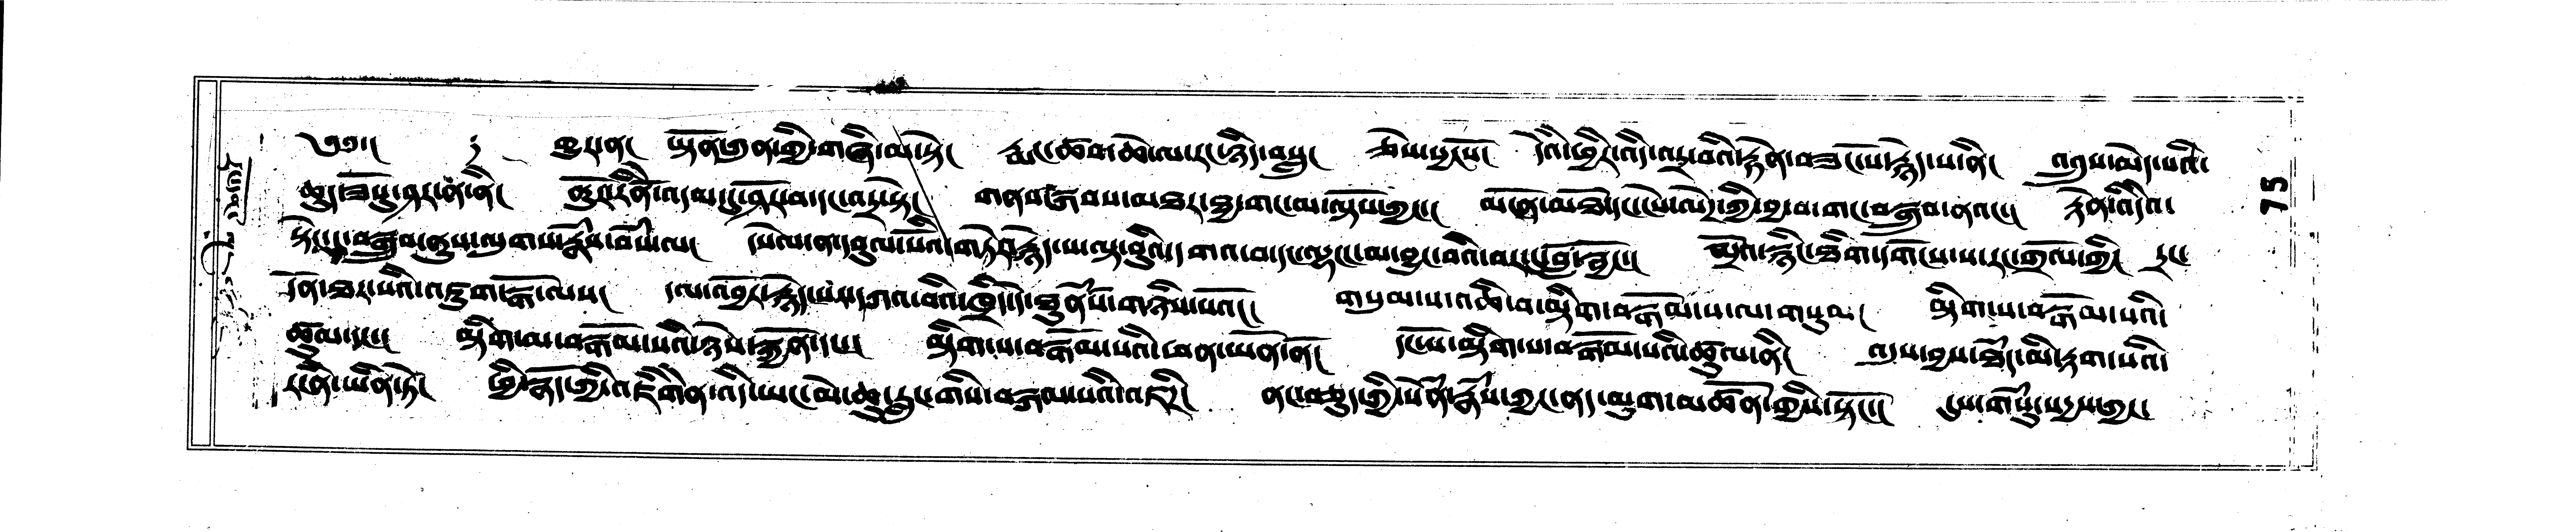གྱུར་ན། ཡོན་ཏན་ཀུན་གྱི་གཞི་མ་སྟེ། རྨང་ཚབ་ཆེ་ལ་རང་ཉིད་བསླུ། །ཞེས་གསུངས་སོ། །དེའི་ཕྱིར་འདི་འདྲ་བའི་རྟེན་བཟང་པོ་རྙེད་པ་ནི། འབྲས་བུ་མེད་པར་
ཆུད་ཟོས་སུ་ཤོར་ན་ནི། ནོར་བུ་རིན་པོ་ཆེ་འདམ་དུ་ཤོར་བ་དང་འདྲ་སྟེ། གནས་སྐབས་མཐར་ཐུག་གང་ལ་ལྟོས་ཀྱང་། མངོན་མཐོ་དང་ངེས་ལེགས་ཀྱི་བྱ་བ་གང་བསྒྲུབས་ནའང་། རྟེན་འདིའི་
སྟེང་དུ་བསྒྲུབ་ནུས་ལུགས་ལ་བསམ་ལ། དཔེར་ན་དབུལ་པོས་གཏེར་རྙེད་པ་ལྟ་བུས་དགའ་བ་ངང་ལྷང་ལྷང་མ་བྱུང་བའི་བར་དུ་བློ་སྦྱོང་། མཁའ་འགྲོ་སྙིང་ཐིག་དགོངས་པ་རང་གྲོལ་གྱི་དྲང་
དོན་ཐར་པའི་འཇུག་སྒོ་ལས། དལ་འབྱོར་རྙེད་པར་དཀའ་བའི་ཁྲིད་དེ་ཐུན་མཚམས་གཉིས་པའོ།། །།གསུམ་པ་འཆི་བ་མི་རྟག་བསྒོམ་པ་ལ་གསུམ། མི་རྟག་པ་བསྒོམ་པའི་
ཚུལ་དང་། མི་རྟག་པ་མ་བསྒོམས་པའི་སྐྱོན་དང་། མི་རྟག་པ་བསྒོམས་པའི་ཕན་ཡོན་ནོ། །དང་པོ་མི་རྟག་པ་བསྒོམ་པའི་ཚུལ་ནི། འདུས་བྱས་ཐམས་ཅད་མི་རྟག་པའི་
རང་བཞིན་ཡིན་ཏེ། ཕྱི་སྣོད་ཀྱི་འཇིག་རྟེན་འདི་ཡང་མེ་ཆུ་རླུང་གི་བསྐལ་པས་འཇིགས། ནང་བཅུད་ཀྱི་སེམས་ཅན་རྣམས་ཀྱང་ནད་མུག་མཚོན་གྱིས་སྟོང་། དུས་གསུམ་སངས་རྒྱས་ཀྱང་